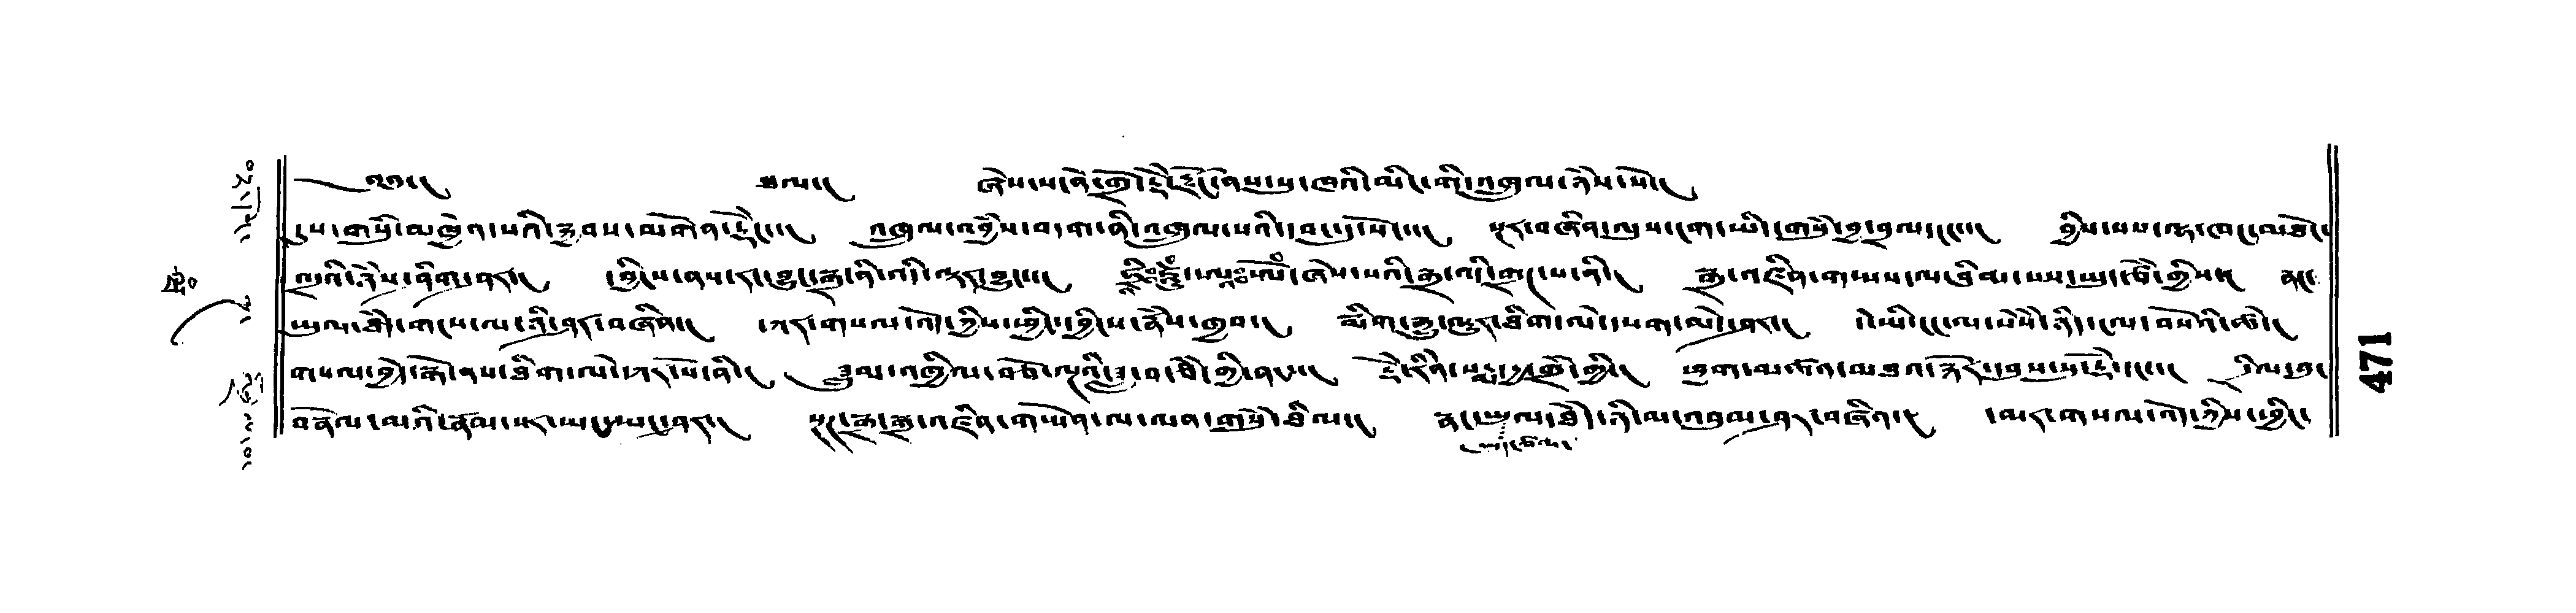ཐལ། ཞེས་པ་ནེ་གྲོ་རྡོ་རྗེ་རྫོང་ནས་སུ་ཁའི་མིང་གི་འཁྲུལ་ཉམས་སོ།། 
༈ དུས་གསུམ་མཁྱེན་པའི་སྐྱབས་མགོན་རྡོ་རྗེ་འཆང་། །འཁྲུལ་འབྱམས་བདག་ནི་འཁྲུལ་པའི་དབང་དུ་སོང་། །སྔར་བཞིན་ལུས་ངག་ཡིད་གསུམ་བྱ་བྲལ་ངང་། །བྱིས་པས་ལྷ་ཁང་མཐོང་
འདྲའི་ཉམས་ཤིག་ཤར། །དབྱིངས་ནས་རང་བྱུང་སྒྲ་ནི་འདི་ལྟར་བྱུང་། །ཧྲཱིཿཧཱུྃ་ཨཱཿཨོཾ་ཞེས་པའི་སྒྲ་འདི་གྲགས་པ་ནི། །སྒྲ་འཛིན་གཡས་ལ་ཐིམ་པས་ཡུད་ཙམ་གྱིས། །སྣང་
ཡུལ་ཐམས་ཅད་གངས་ལ་ཉི་ཤར་བཞིན། །དཀར་གསལ་འོད་ཀྱིས་ཕྱི་ནང་དབྱིངས་རྣམས་ཁྱབ། །སྨིག་སྒྱུ་ལྟ་བུར་ཐིག་ལེ་དཔག་མེད་ཤར། །དེ་ཡི་ངང་ལ་སེམས་ཉིད་ངལ་བསོའི་ཚེ། །
གསལ་བྱེད་སྒོ་ནས་ཐིག་ལེ་དཀར་པོ་ནི། །ཟླུམ་འཁྱིལ་བཅོ་ལྔའི་ཟླ་བ་ཙམ་གྱི་ནང་། །རྡོ་རྗེ་རིན་ཆེན་པདྨ་རྒྱ་གྲམ་གྱི། །ཕྱག་མཚན་མཐའ་སྐོར་དབུས་སུ་རྡོ་རྗེ་དང་། །དྲིལ་བུ་
བསྣོལ་མའི་རྣམ་པར་ཡང་ཡང་ཤར། །སྔགས་སྒྲ་སྒྲ་འཛིན་གཡོན་ལ་ལན་གསུམ་ཐིམ། །སྣང་ཡུལ་ཐམས་ཅད་ཉི་མ་འབུམ་ཤར་བཞིན། །དམར་གསལ་འོད་ཀྱིས་ཕྱི་ནང་